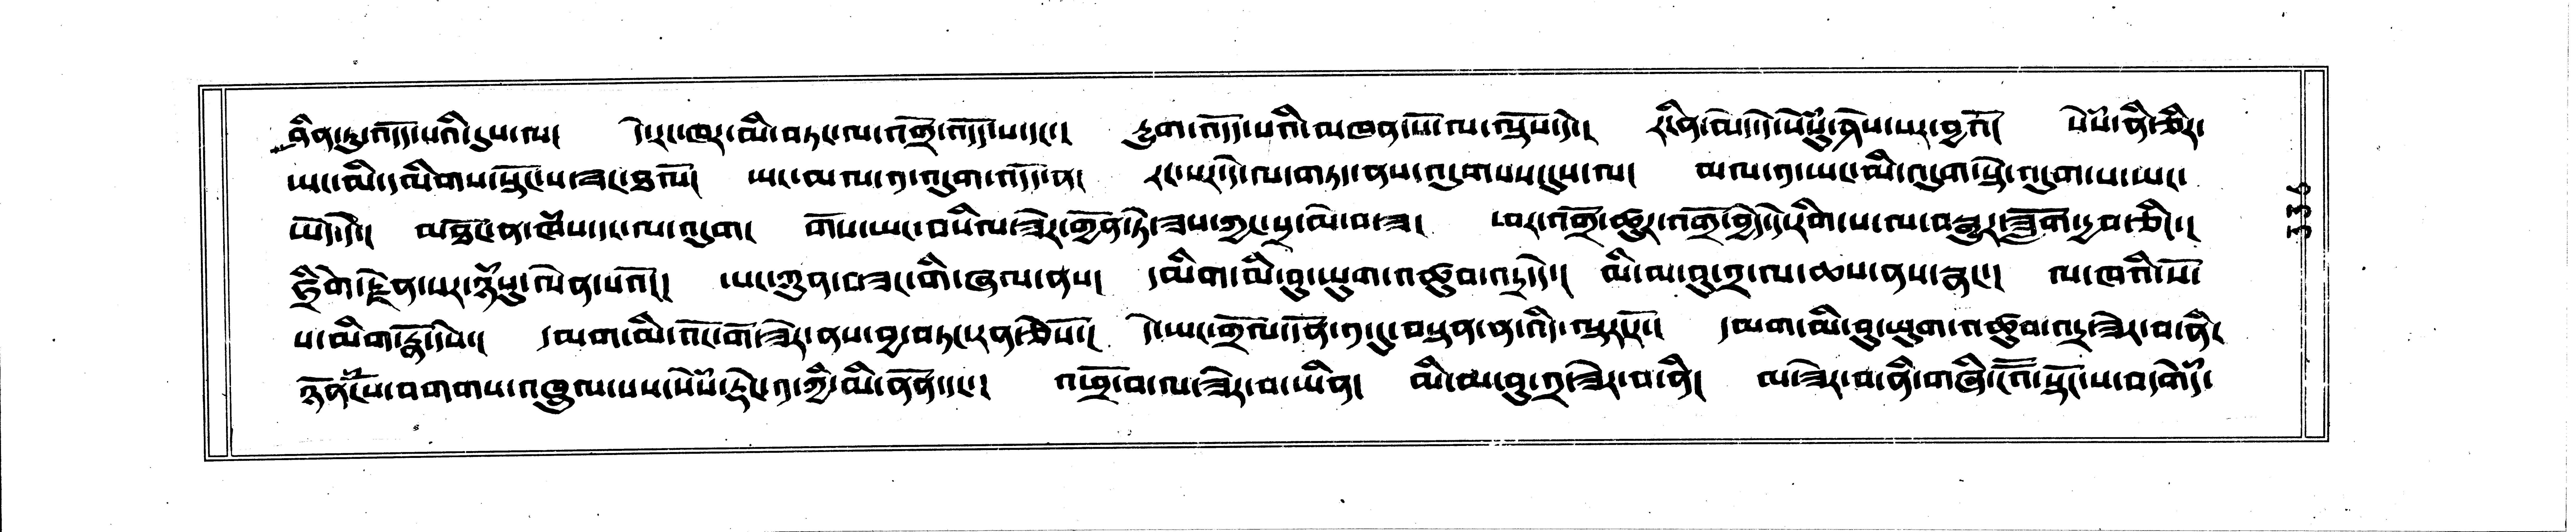ཞིང་རྒྱུག་འདོད་པའི་དུས་ལ། དེ་རང་ཁར་མི་བཏང་ལ་འགྲོ་འདོད་པ་དང་། རྒྱུག་འདོད་པའི་མཁན་པོ་ལ་ལྟ་སྟེ། རང་བཞིན་མེད་པར་སེམས་སུ་ཤེས་པར་བྱའོ། སེམས་ནི་ཅི་
ཡང་མི་དམིགས་སྟོང་པ་ཟང་ཏལ་ལོ། ཡང་མལ་ཅིག་ནས་འདུག་འདོད་ནས་རང་སར་དེ་ལ་བརྟེན་ནས་འདུག་པའི་དུས་ལ། མལ་ཅིག་ན་མི་འདུག་སྟེ་འདུག་ས་ཡང་
ཡོད་སྟེ། མཐོ་ལ་ཁམས་དང་ས་ན་འདུག གོས་ཀྱང་བསིལ་གྱོན་ཏེ། ཟས་ཀྱང་སྲབ་ལེ་ཟ། ཕར་འགྲོ་ཚུར་འགྲོ་བྱེད་དེ་རིག་པ་ལ་བསྒྱུར་བཟློག་རྒྱབ་ཅིང་། 
ཧྲིག་གེ་རྗེན་ནེ་ཉམས་སུ་ལེན་པའོ། ཡང་ཀུན་བཟང་གིས་ཞལ་ནས། དམག་མི་བུ་ཡུག་འཚུབ་འདྲ་དེ། མི་མ་བུ་གཉིས་ལས་ཆས་ནས་སྣང་། ལས་ཀའི་‘‘ལ་ཁའི”སོ་
པ་མིག་རྣོན་དེས། དམག་མི་འོང་ངོ་ཟེར་བ་ནས་བྱ་བཏང་རན། ཅེས་གསུངས། དེ་ཡང་བཀྲོལ་ཏེ་དོན་ཅིག་ཏུ་བསྟན་ན་འདི་ལྟར་རོ། དམག་མི་བུ་ཡུག་འཚུབ་འདྲ་ཟེར་བ་ནི། 
ཉོན་མོངས་བག་ཆགས་འཁྲུལ་པའི་སེམས་ཅིག་རྡེང་ཅིག་ཀྱིས་མི་ནོན་འཕྲོ་བ་ལ་ཟེར་བ་ཡིན། མི་མ་བུ་གཉིས་ཟེར་བ་ནི། མ་ཟེར་བ་ནི། གཞི་ངོའོ་སྟོང་པ་༼བདག་མེད༽འགྱུར་མེད་